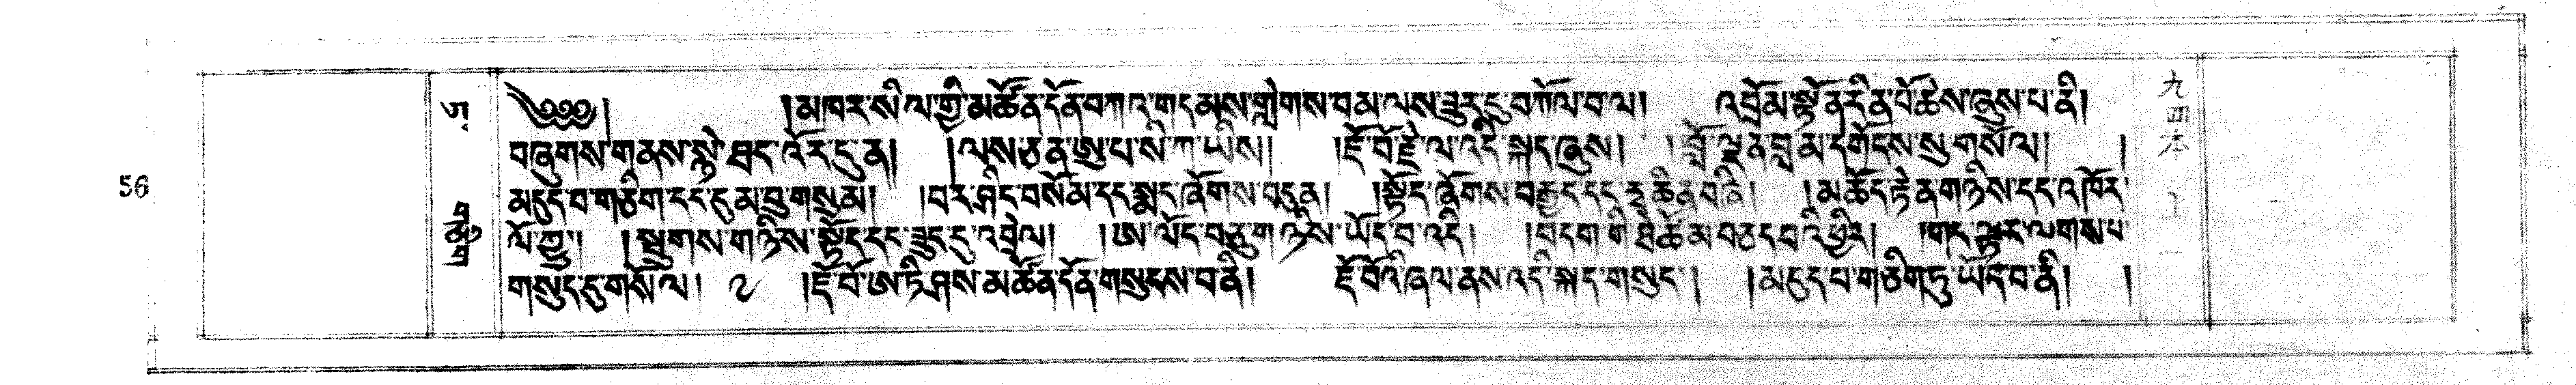༄༅༅། །མཁར་སིལ་གྱི་མཚོན་དོན་བཀའ་གདམས་གླེགས་བམ་ལས་ཟུར་དུ་བཀོལ་བ་ལ། འབྲོམ་སྟོན་རིན་པོ་ཆེས་ཞུས་པ་ནི།
བཞུགས་གནས་སྙེ་ཐང་འོར་དུ་ན། །ལས་ཅན་ཨུ་པ་སི་ཀ་ཡིས། །ཇོ་བོ་རྗེ་ལ་འདི་སྐད་ཞུས། །བློ་ལྡན་བླ་མ་དགོངས་སུ་གསོལ། །
མདུད་བ་གཅིག་དང་དུ་མ་བུ་གསུམ། །བར་ཤིང་བསོམ་དང་སྨད་ཞོགས་བདུན། །སྟོད་ཞོགས་བརྒྱད་དང་རྭ་ཆིན་བཞི། །མཆོད་རྟེན་གཉིས་དང་འཁོར་
ལོ་ཀྱུ། །སྦུགས་གཉིས་སྟོང་དང་ཟུང་དུ་འབྲེལ། །ཨ་ལོང་བཅུ་གཉིས་ཡོད་བ་འདི། །བདག་གི་ཐེ་ཚོམ་བཅད་བའི་ཕྱིར། །གང་ལྟར་ལགས་པ་
གསུང་དུ་གསོལ། ༧་།ཇོ་བོ་ཨ་ཏི་ཤས་མཚོན་དོན་གསུངས་བ་ནི། ཇོ་བོའི་ཞལ་ནས་འདི་སྐད་གསུང་། །མདུད་པ་གཅིག་ཏུ་ཡོད་བ་ནི། །